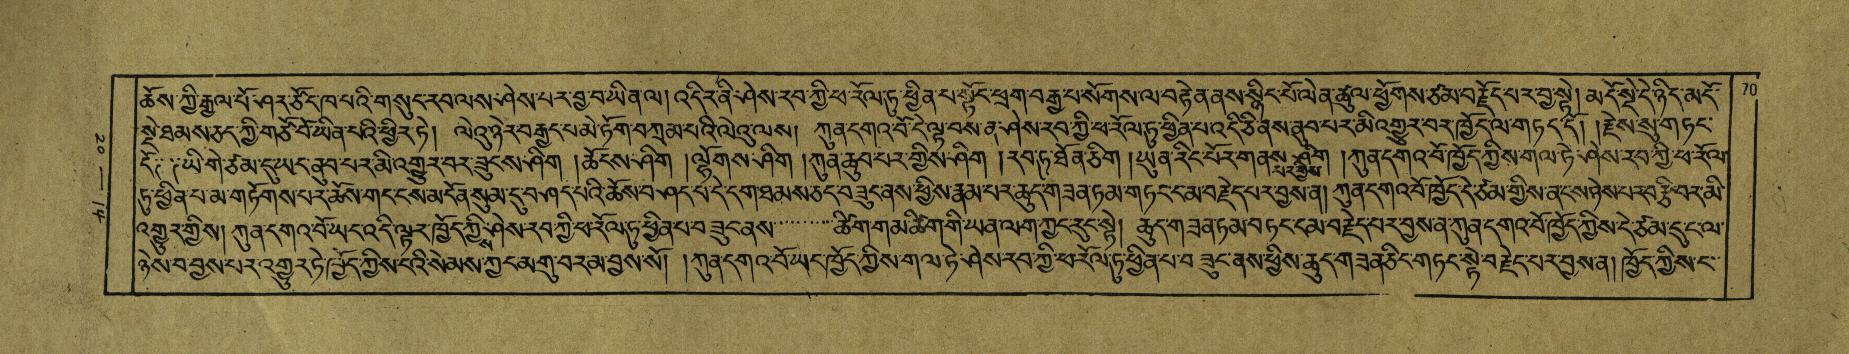ཆོས་ཀྱི་རྒྱལ་པོ་ཤར་ཙོང་ཁ་པའི་གསུང་རབ་ལས་ཤེས་པར་བྱ་བ་ཡིན་ལ། འདིར་ནི་ཤེས་རབ་ཀྱི་ཕ་རོལ་ཏུ་ཕྱིན་པ་སྟོང་ཕྲག་བརྒྱ་པ་སོགས་ལ་བརྟེན་ནས་སྙིང་པོ་ལེན་ཚུལ་ཕྱོགས་ཙམ་བརྗོད་པར་བྱ་སྟེ། མདོ་སྡེ་དེ་ཉིད་མདོ་
སྡེ་ཐམས་ཅད་ཀྱི་གཙོ་བོ་ཡིན་པའི་ཕྱིར་ཏེ། ལེའུ་ཉེར་བརྒྱད་པ་མེ་ཏོག་བཀྲམ་པའི་ལེའུ་ལས། ཀུན་དགའ་བོ་དེ་ལྟ་བས་ན་ཤེས་རབ་ཀྱི་ཕ་རོལ་ཏུ་ཕྱིན་པ་འདི་ཅི་ནས་ནུབ་པར་མི་འགྱུར་བར་ཁྱོད་ལ་གཏད་དོ། །རྗེས་སུ་གཏང་
དོ༑ ༑ཡི་གེ་ཙམ་དུ་ཡང་ནུབ་པར་མི་འགྱུར་བར་ཟུངས་ཤིག །ཆོངས་ཤིག །ལྷོགས་ཤིག །ཀུན་ཆུབ་པར་གྱིས་ཤིག །རབ་ཏུ་ཐོན་ཅིག །ཡུན་རིང་པོར་གནས་པར་གྱིས་ཤིག །ཀུན་དགའ་བོ་ཁྱོད་ཀྱིས་གལ་ཏེ་ཤེས་རབ་ཀྱི་ཕ་རོལ་
ཏུ་ཕྱིན་པ་མ་གཏོགས་པར་ཆོས་གང་ངས་མངོན་སུམ་དུ་བཤད་པའི་ཆོས་བཤད་པ་དེ་དག་ཐམས་ཅད་བཟུང་ནས་ཕྱིས་རྣམ་པར་ཆུད་གཟན་ཏམ་གཏང་ངམ་བརྗེད་པར་བྱས་ན། ཀུན་དགའ་བོ་ཁྱོད་དེ་ཙམ་གྱིས་ན་ངས་ཉེས་པར་བརྩི་བར་མི་
འགྱུར་གྱིས། ཀུན་དགའ་བོ་ཡང་འདི་ལྟར་ཁྱོད་ཀྱིས་ཤེས་རབ་ཀྱི་ཕ་རོལ་ཏུ་ཕྱིན་པ་བཟུང་ནས་ཚིག་གམ་ཚིག་གི་ཡན་ལག་ཀྱང་རུང་སྟེ། ཆུད་གཟན་ཏམ་བཏང་ངམ་བརྗེད་པར་བྱས་ན་ཀུན་དགའ་བོ་ཁྱོད་ཀྱིས་དེ་ཙམ་དུ་ང་ལ་
ཉེས་བ་བྱས་པར་འགྱུར་ཏེ་ཁྱོད་ཀྱིས་ངའི་སེམས་ཀྱང་མགུ་བར་མ་བྱས་སོ། །ཀུན་དགའ་བོ་ཡང་ཁྱོད་ཀྱིས་གལ་ཏེ་ཤེས་རབ་ཀྱི་ཕ་རོལ་ཏུ་ཕྱིན་པ་བཟུང་ནས་ཕྱིས་ཆུད་གཟན་ཅིང་གཏང་སྟེ་བརྗེད་པར་བྱས་ན། ཁྱོད་ཀྱིས་ང་